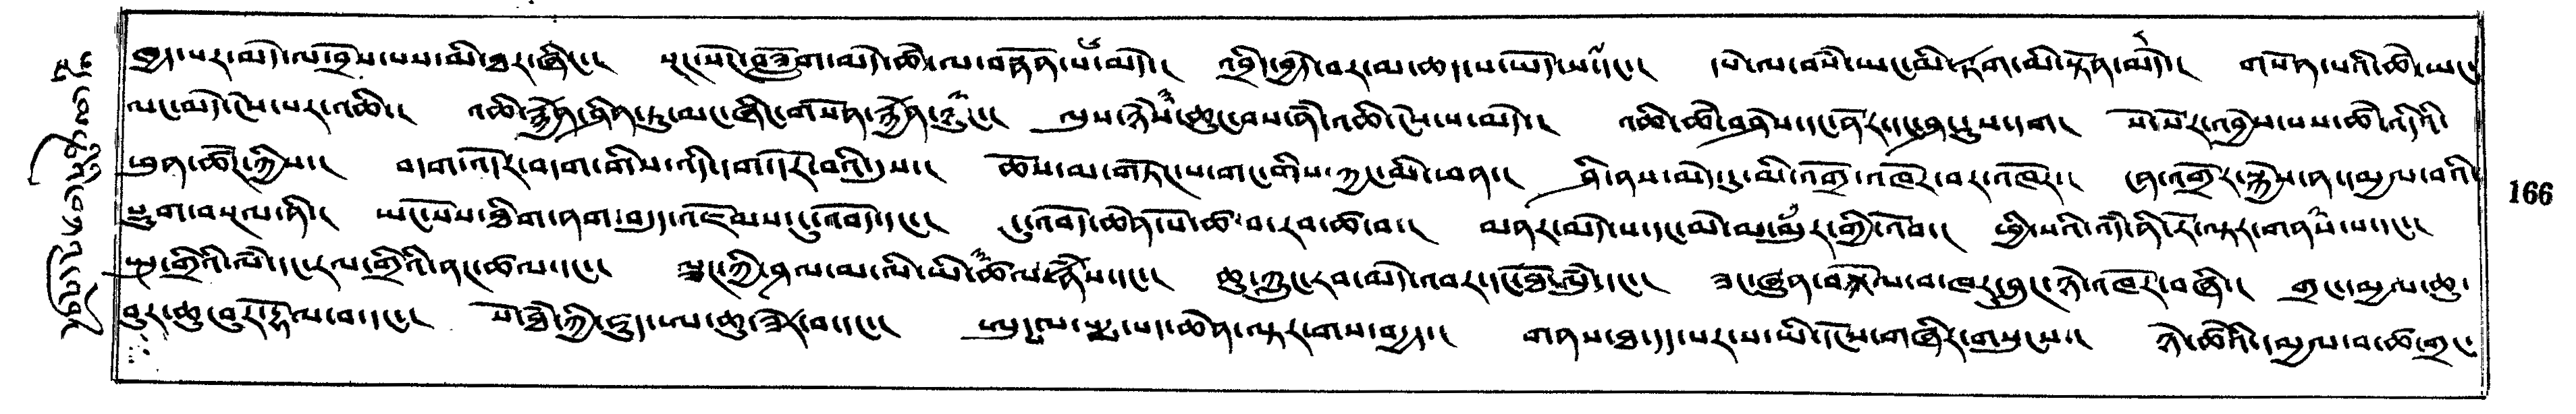ཁྱད་པར་མེད་ལ་བྲོས་པས་མི་ཐར་ཞིང་། །སྔགས་སོགས་བཟློག་མེད་ཚེ་ལ་བསྣོན་པ་མེད། །འབྲིད་བྱེད་བར་མ་ཆད་པ་ཡོད་པ་དང་། །དཔེ་ལ་བསམ་ཡང་མི་རྟག་མི་སྟོན་མེད། །གསོན་པའི་ཚེ་ཡང་
ལོང་མེད་ངེས་པར་འཆི། །འཆི་རྐྱེན་ཤིན་ཏུ་མང་ཞིང་གསོན་རྐྱེན་ཉུང་། །ལུས་ཉམས་ཆུང་བས་ནམ་འཆི་ངེས་པ་མེད། །འཆི་ཚེ་བཤེས་དང་ནོར་དང་ཤ་རུས་དག སོ་སོར་འབྱེས་པས་ཚེ་འདིའི་
ཕུན་ཚོགས་ཀྱིས། །བདག་འདོར་བདག་གིས་འདི་དག་དོར་བའི་དུས། །ཆོས་མ་གཏོགས་པ་གང་གིས་ཀྱང་མི་ཕན། །ཤི་ནས་མེད་དུ་མི་འགྲོ་འཁོར་བར་འཁོར། །ངན་འགྲོར་སྐྱེས་ན་དམྱལ་བའི་
སྡུག་བསྔལ་ནི། །ཡང་སོས་ཐིག་ནག་བདུད་འཇོམས་ངུ་འབོད་དང་། །ངུ་འབོད་ཆེན་པོ་ཚ་བ་རབ་ཚ་བ། །མནར་མེད་པ་དང་མེ་མ་མུར་གྱི་འོབས། །ཕྱི་སའི་འདམ་ནི་རོ་ལྟར་གནས་པ་དང་། །
སྤུ་གྲིའི་ལམ་དང་རལ་གྲིའི་ནགས་ཚལ་དང་། །ལྕགས་ཀྱི་ཤལ་མ་ལི་ཡི་ཚལ་རྣམས་དང་། །ཆུ་ཀླུང་རབ་མེད་འབར་དང་ཐོ་ལུམ་དང་། །ཟངས་ཞུན་བསྐོལ་བ་ཁར་བླུགས་ཉེ་འཁོར་བཞི། །གྲང་དམྱལ་ཆུ་
བུར་ཆུ་བུར་རྡོལ་བ་དང་། །སོ་ཐམས་ཀྱི་ཧུད་ཨ་ཆུ་ཟེར་བ་དང་། །ཨུཏྤལ་པདྨ་པད་ཆེན་ལྟར་གས་བརྒྱད། །གནས་ཐ་དད་པར་ས་ཡི་དངོས་གཞིར་གསུངས། །ཉི་ཚེའི་དམྱལ་བ་ཚ་གྲང་